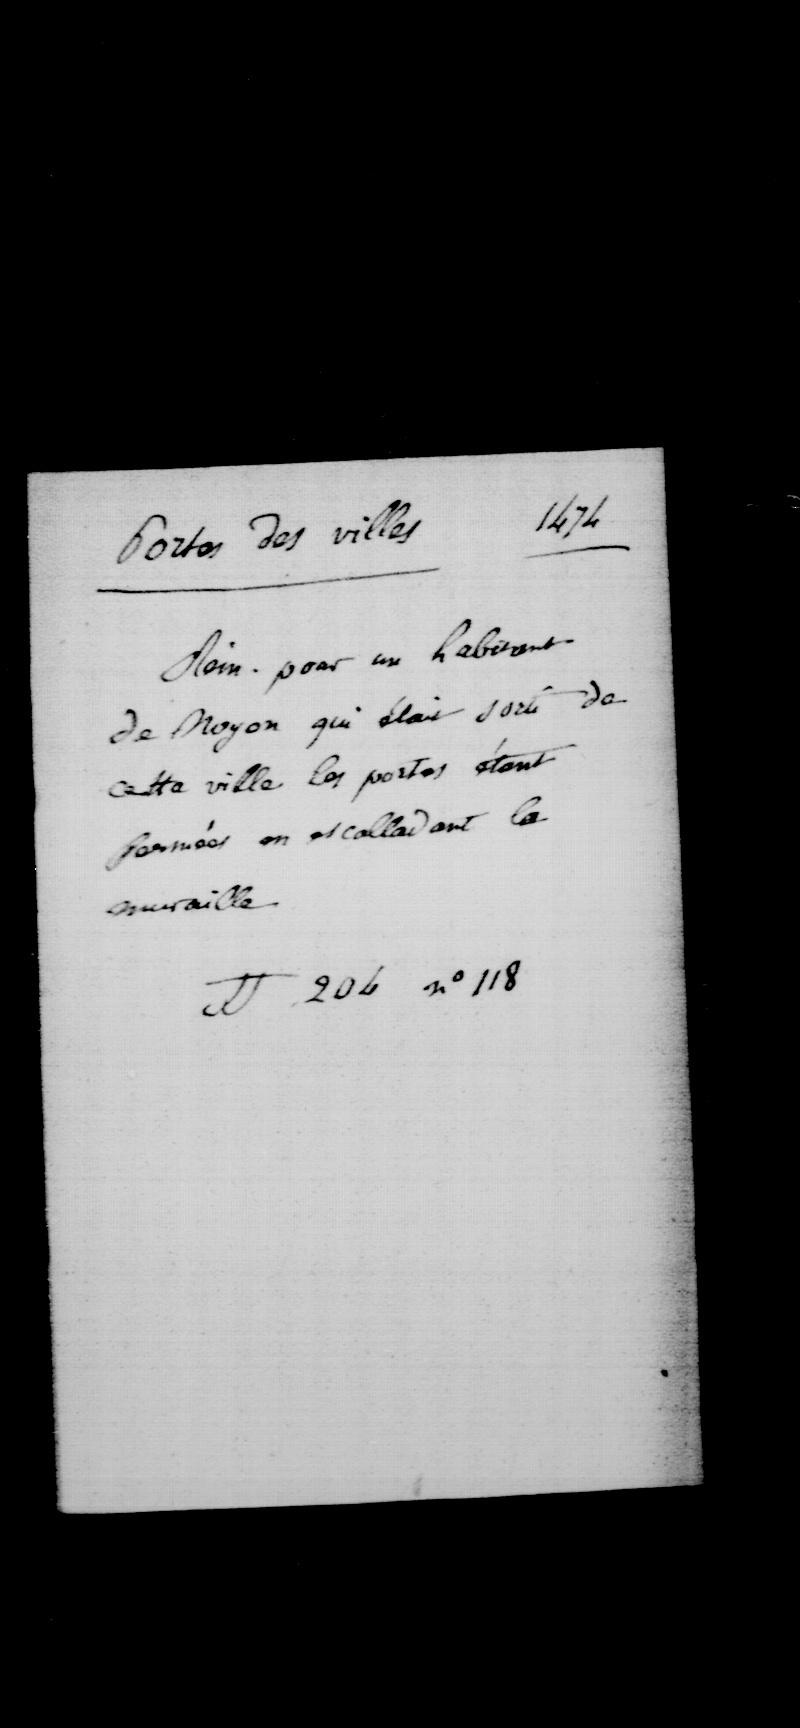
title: Portes des villes
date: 1474
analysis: Rémission pour un habitant de Noyon qui était sorti de cette ville les portes étant fermées en escalladant la muraille
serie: JJ
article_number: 204
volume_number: n° 118
